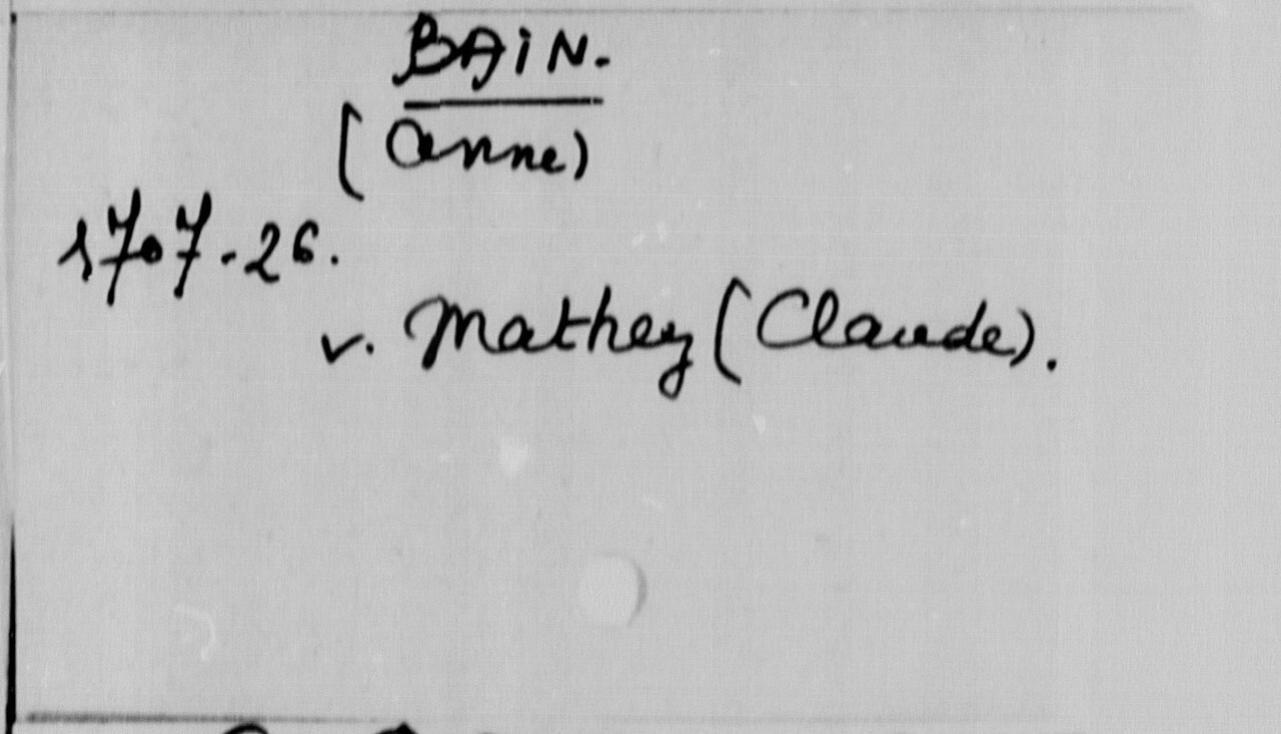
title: BAIN (Anne)
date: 1707-1726
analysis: Voir MATHEY (Claude)
